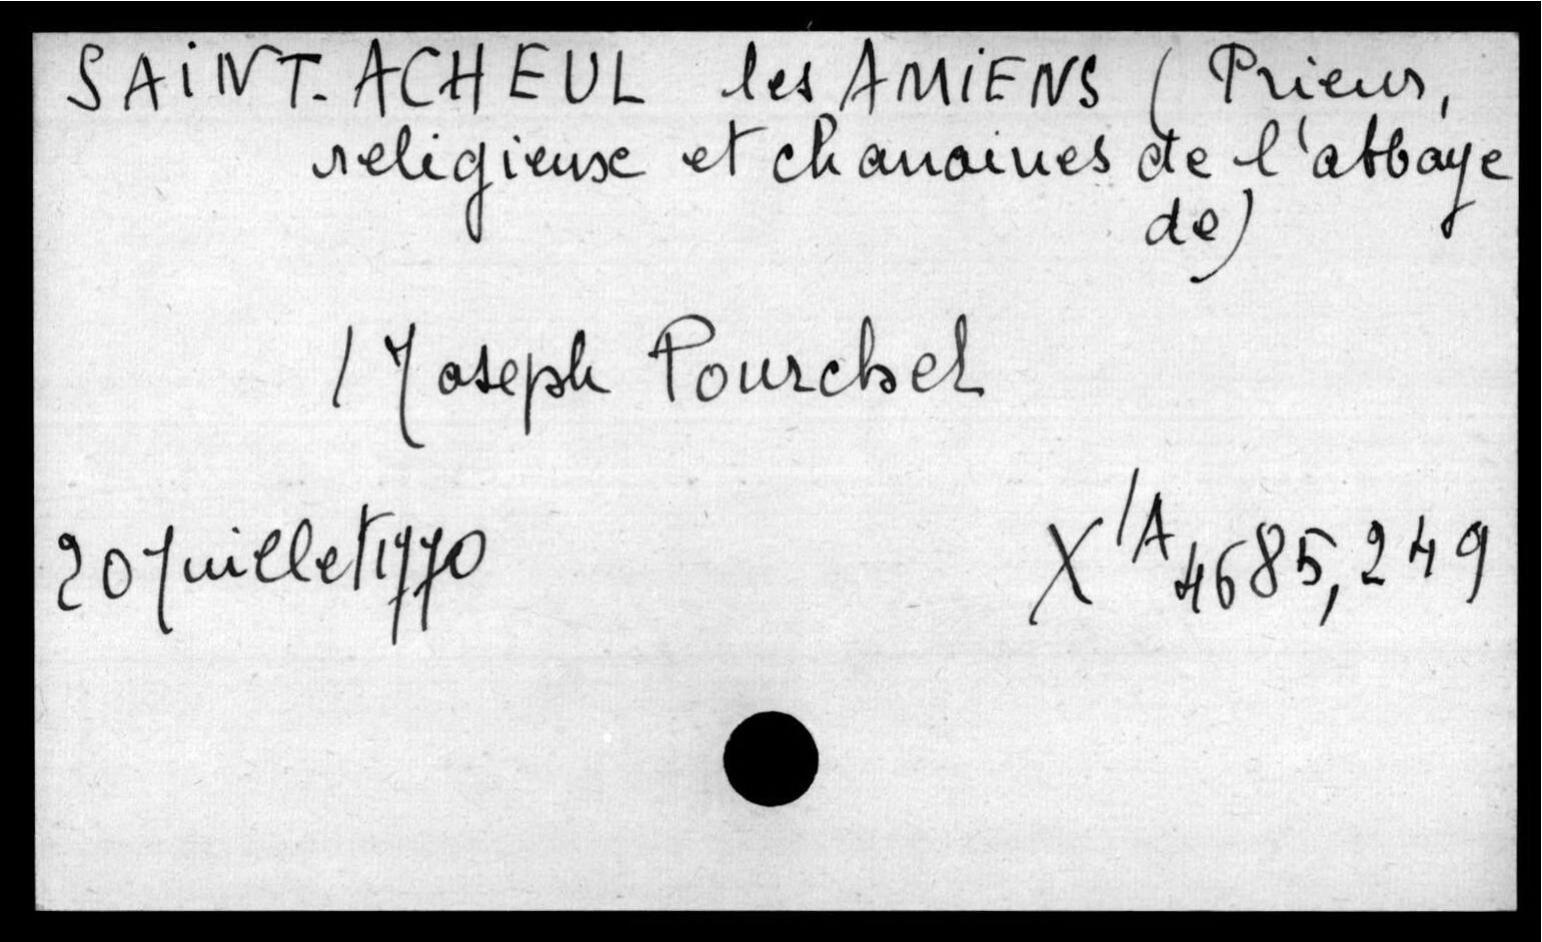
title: SAINT-ACHEUL les AMIENS (Prieur, religieux et chanoines de l'abbaye de)
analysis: Contre Joseph Pourchel
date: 20 juillet 1770
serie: X1A
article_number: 4685
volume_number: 249
